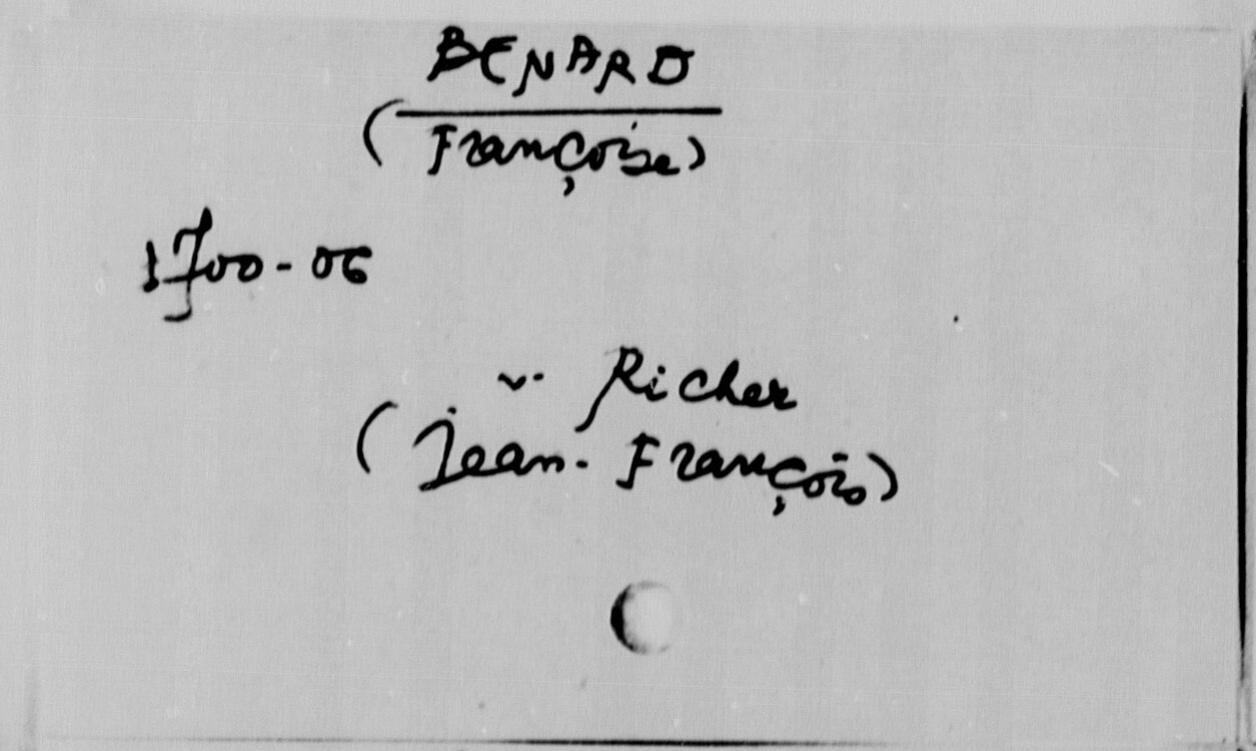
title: BENARD (Françoise)
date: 1700-1706
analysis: Voir RICHER (Jean-François)
